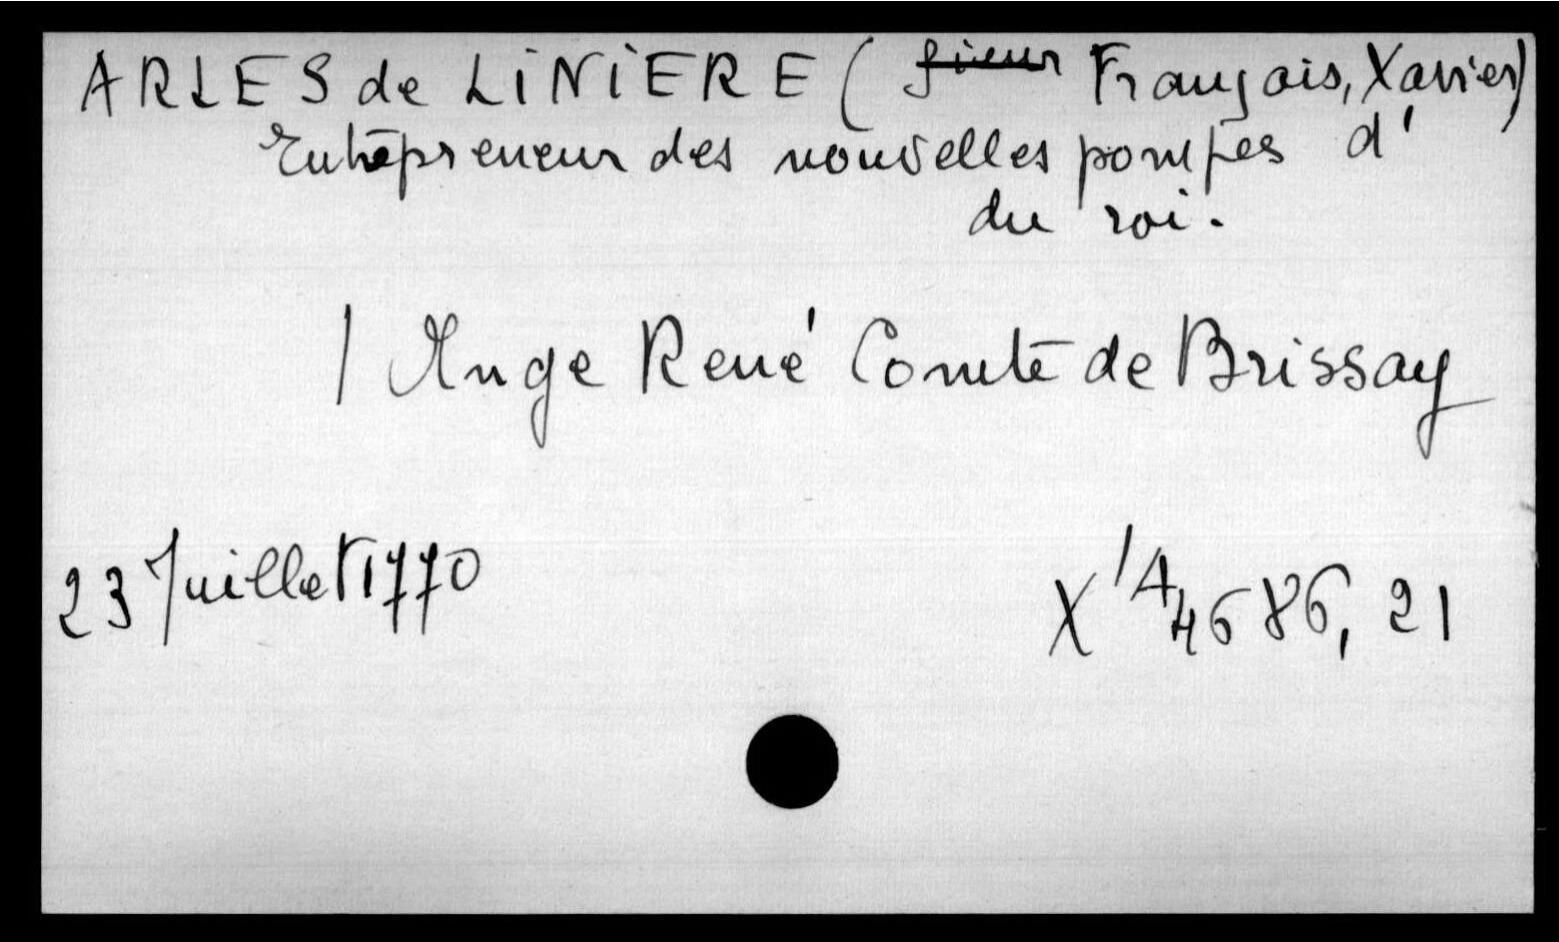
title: ARLES de LINIERE (François, Xavier d') Entrepreneur des nouvelles pompes du roi
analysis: Contre Ange René Comte de Brissay
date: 23 juillet 1770
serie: X1A
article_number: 4686
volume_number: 21
